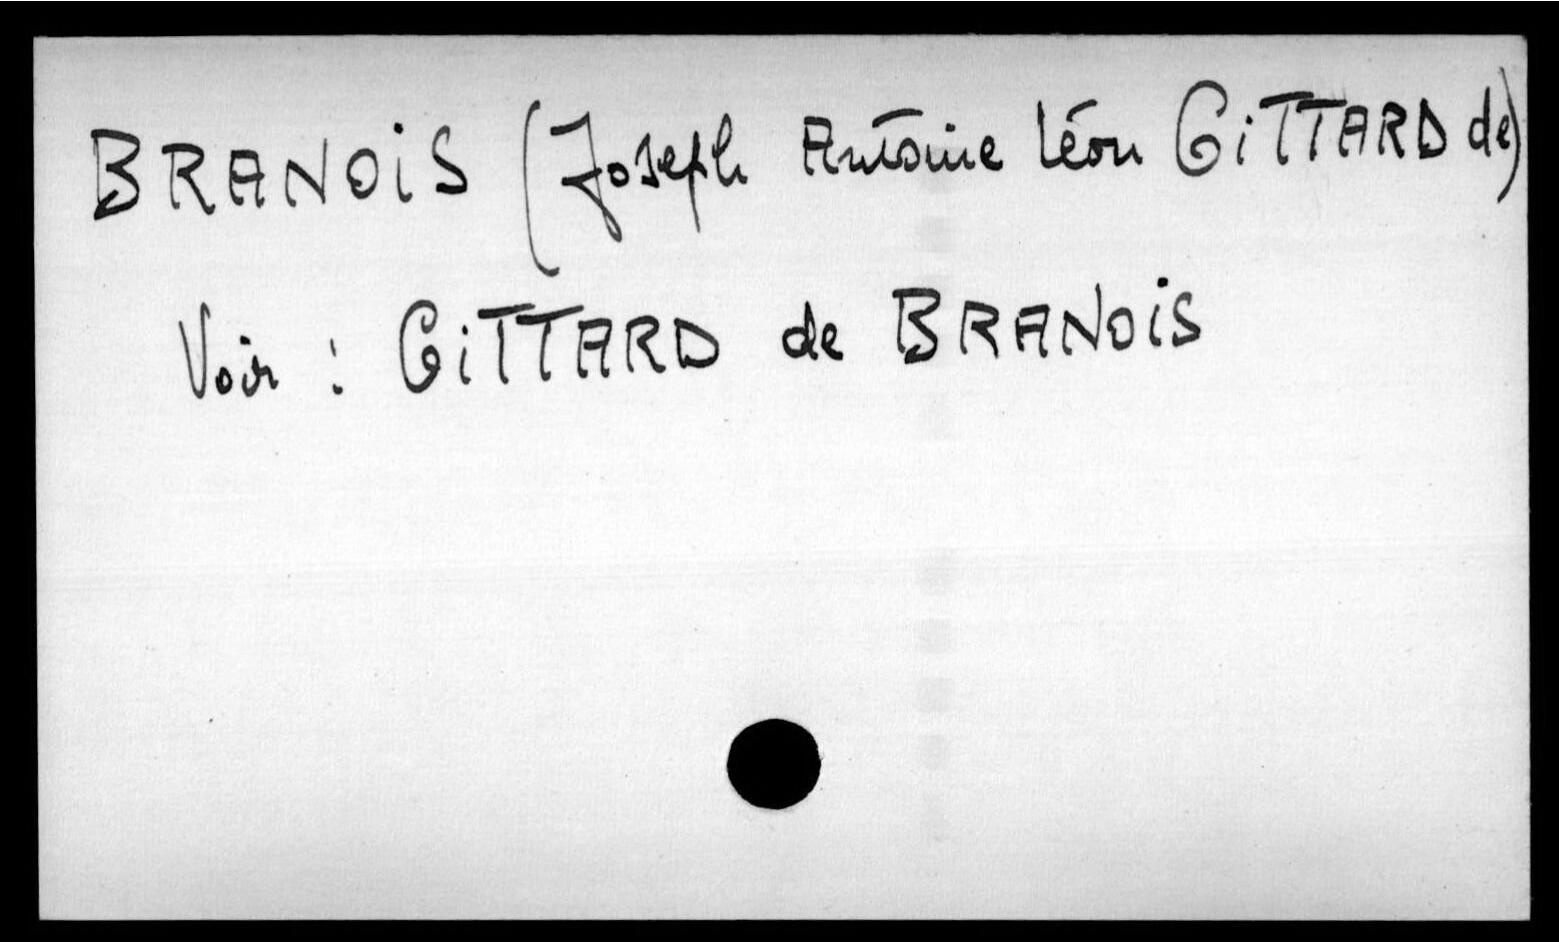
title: BRANOIS (Joseph Antoine Léon GITTARD de)
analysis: Voir :GITTARD de BRANOIS
